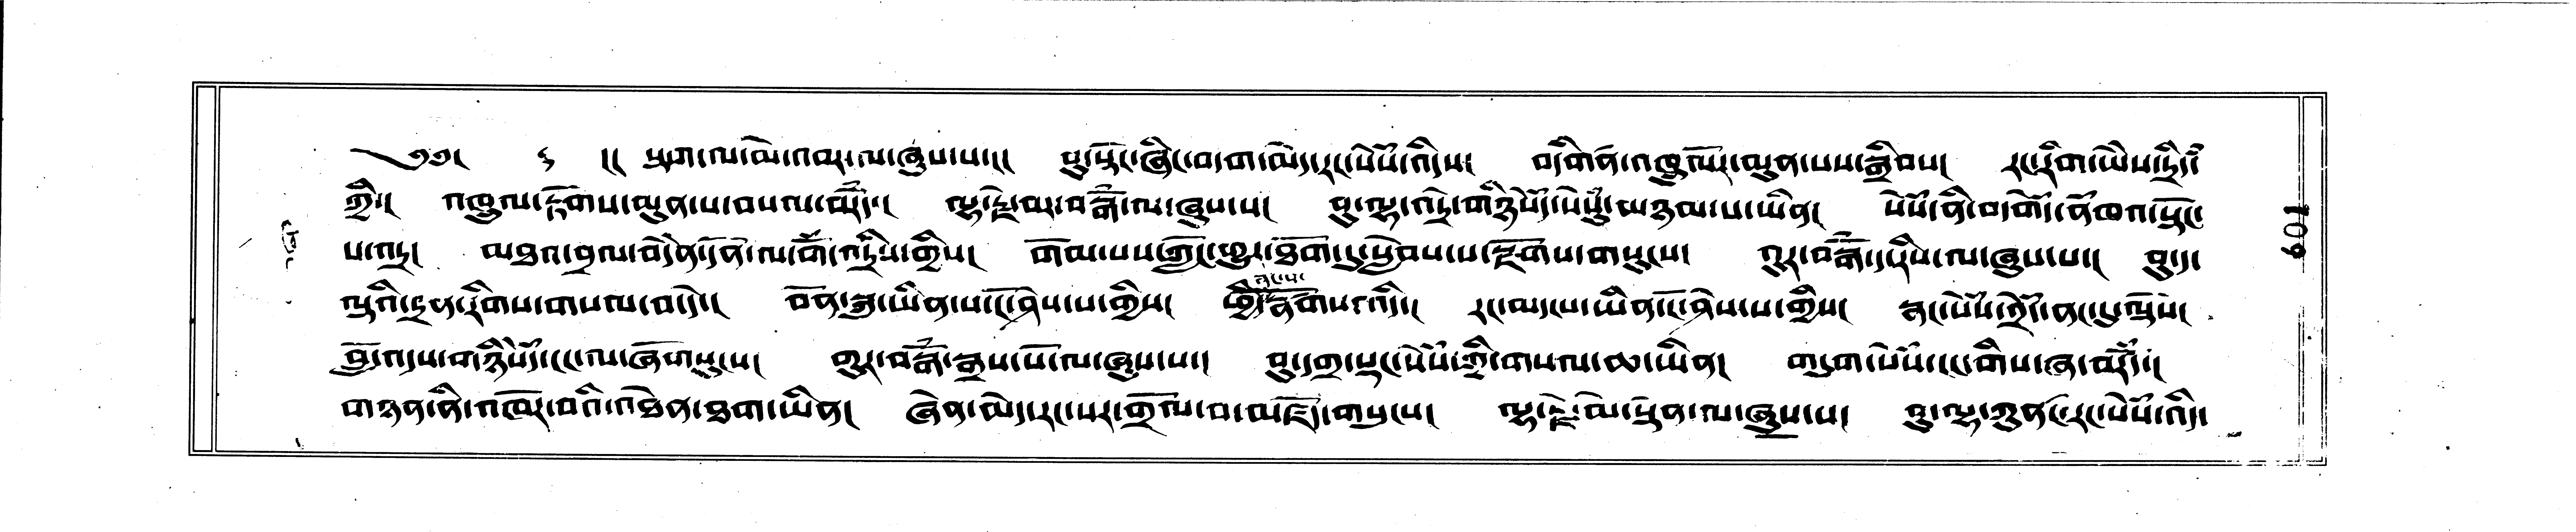སྟག་ལ་མེ་འབར་ལ་ཞུས་ཙ། བུ་སྟོང་ཞིང་བདག་མེད་རང་སེམས་འདི། བདག་འཛིན་འཁྲུལ་རྟོག་མུན་པས་སྒྲིབ། རང་རིག་ཡེ་ཤེས་ཀྱི་དྲི་མེད་
ཀྱིས། འཁྲུལ་རྟོག་མུན་པ་བསལ་བར་མཛོད་གསུངས། ལྷ་རྗེ་བར་སྒོམ་ལ་ཞུས་ཙ། བུ་ལྷ་འདྲེ་གཉིས་མེད་སེམས་སུ་མྱོང་བ་ཡིན། སེམས་ནི་སྟོང་པ་བདག་མེད་ནམ་མཁའ་
འདྲ། མཐའ་བྲལ་བདེ་ཆེན་དོན་ལ་གོམ་འདྲིས་གྱིས། གོམ་པའི་ཀློང་གྱུར་ཐོག་དུ་སླེབ་པ་མཛོད་གསུངས། “འུར་བསྒོམ་ད་རིས་ལ་ཞུས་པ། བུ་ད་
ལྟའི་དྲན་རིག་གསལ་བ་དེ། བོན་སྐུ་ཡིན་པ་དེ་ངོ་ཤེས་པ་གྱིས། ཕྱི་སྣང་བ་སྣ་ཚོགས་འདི། རང་མདངས་ཡིན་པ་ངོ་ཤེས་པ་གྱིས། སྣང་སེམས་གཉིས་མེད་ནང་དུ་ལྟོས། 
བློ་འདས་གཉིས་མེད་ངང་ལ་ཞོག་གསུངས”། གུར་སྒོམ་ད་རེ་‘‘སྒྲས་པོ”ལ་ཞུས་པས། བུ་དགྲ་སྡང་སེམས་གྱི་གསལ་ཆ་ཡིན། གདུག་སེམས་ངང་གི་ཞི་བར་མཛོད།
 གཉེན་ནི་འཁོར་བའི་ཐེན་ཐག་ཡིན། ཞན་མེད་རང་སར་གྲོལ་བར་མཛོད་གསུངས། ལྷ་རྗེ་སྟོན་མེ་ལ་ཞུས་པ། བུ་ལྷ་འདྲེ་ཀུན་རང་སེམས་འདི་